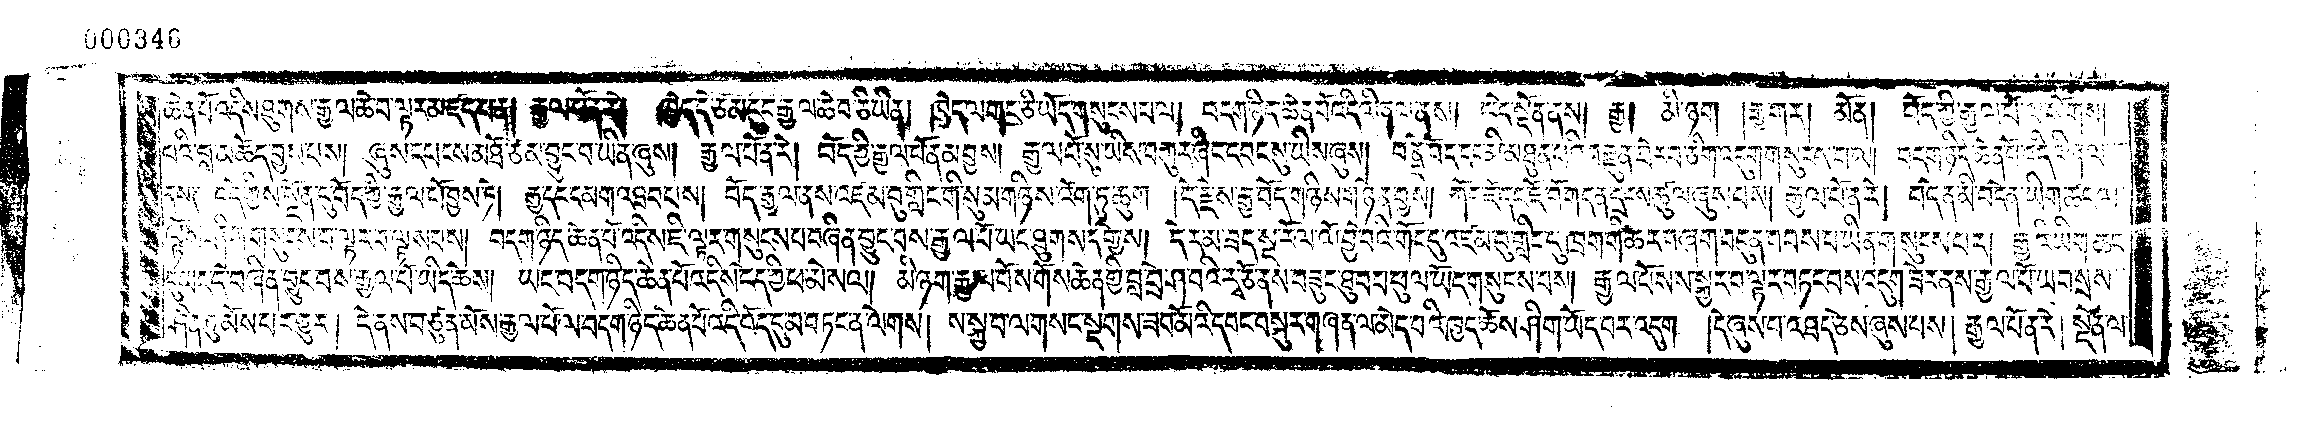ཆེན་པོ་འདིས་ཐུགས་རྒྱལ་ཆེ་བ་ལྟར་མཛད་པ་ན། རྒྱལ་པོ་ན་རེ། ཁྱེད་དེ་ཙམ་དུ་ང་རྒྱལ་ཆེ་བ་ཅི་ཡིན། ཁྱེད་ལ་གང་ཅི་ཡོད་གསུངས་པ་ལ། བདག་ཉིད་ཆེན་པོ་འདིའི་ཞལ་ནས། ངེད་སྔོན་ནས། རྒྱ། མི་ཉག །རྒྱ་གར། མོན། བོད་ཀྱི་རྒྱལ་པོ་ལ་སོགས།
པའི་བླ་མཆོད་བྱས་པས། ཞུ་ས་དཔངས་མཐོ་ཙམ་བྱུང་བ་ཡིན་ཞུས། རྒྱལ་པོ་ན་རེ། བོད་ཀྱི་རྒྱལ་པོ་ནམ་བྱས། རྒྱལ་བོ་སུ་ཡིས་བཀུར་ཞིང་དབང་སུ་ཡིས་ཞུས། བནྡེ་བོད་དང་མི་མཐུན་པའི་བརྫུན་ཟེར་བ་ཅིག་འདུག་གསུངས་པ་ལ། བདག་ཉིད་ཆེན་པོ་འདིའི་ཞལ་
ནས༑ ངེད་ཀྱིས་སྔོན་དུ་བོད་ཀྱི་རྒྱལ་པོ་བྱས་ཏེ། རྒྱ་དང་དམག་འཐབ་པས། བོད་རྒྱལ་ནས་འཛམ་བུ་གླིང་གི་སུམ་གཉིས་འོག་ཏུ་ཆུག །དེ་རྗེས་རྒྱ་བོད་གཉིས་གཉེན་བྱས། ཀོང་ཇོ་དང་ཇོ་བོ་གདན་དྲངས་ཚུལ་ཞུས་པས། རྒྱལ་པོ་ན་རེ། བདེན་མི་བདེན་ཡིག་ཚང་ལ་
ལྟོས་ཤིག་གསུངས་པ་ལྟར་བལྟས་པས། བདག་ཉིད་ཆེན་པོ་འདིས་ཇི་ལྟར་གསུངས་པ་བཞིན་བྱུང་བས་རྒྱལ་པོ་ཡང་ཐུགས་དགྱེས། དེར་མ་ཟད་སྔ་རོལ་ལོ་བྱེ་བའི་གོང་དུ་འཛམ་བུ་གླིང་དུ་ཁྲག་གི་ཆར་བ་ཞག་བདུན་པ་བབས་པ་ཡིན་གསུངས་པར། རྒྱའི་ཡིག་ཚང་
དུ་ཡང་དེ་བཞིན་བྱུང་བས་རྒྱལ་པོ་ཡིད་ཆེས། ཡང་བདག་ཉིད་ཆེན་པོ་འདིས་ངེད་ཀྱི་ཕ་མེས་ལ། མི་ཉག་རྒྱལ་པོས་གོས་ཆེན་གྱི་བླ་བྲེ་ཤ་བའི་རྭ་ཅོ་ནས་བཟུང་ཐུབ་པ་ཕུལ་ཡོད་གསུངས་པས། རྒྱལ་བོས་ས་སྐྱར་བལྟར་བཏང་བས་འདུག་ཟེར་ནས་རྒྱལ་པོ་ཡབ་སྲས་
ཤིན་ཏུ་མོས་པར་གྱུར། དེ་ནས་བཙུན་མོས་རྒྱལ་པོ་ལ་བདག་ཉིད་ཆེན་པོ་འདི་བོད་དུ་མ་བཏང་ན་ལེགས། ས་སྐྱ་བ་ལ་གསང་སྔགས་ཟབ་མོའི་དབང་བསྐུར་གཞན་ལ་མེད་པའི་ཁྱད་ཆོས་ཤིག་ཡོད་པར་འདུག །དེ་ཞུས་པ་འཐད་ཅེས་ཞུས་པས། རྒྱལ་པོ་ན་རེ། སྔོན་ལ་